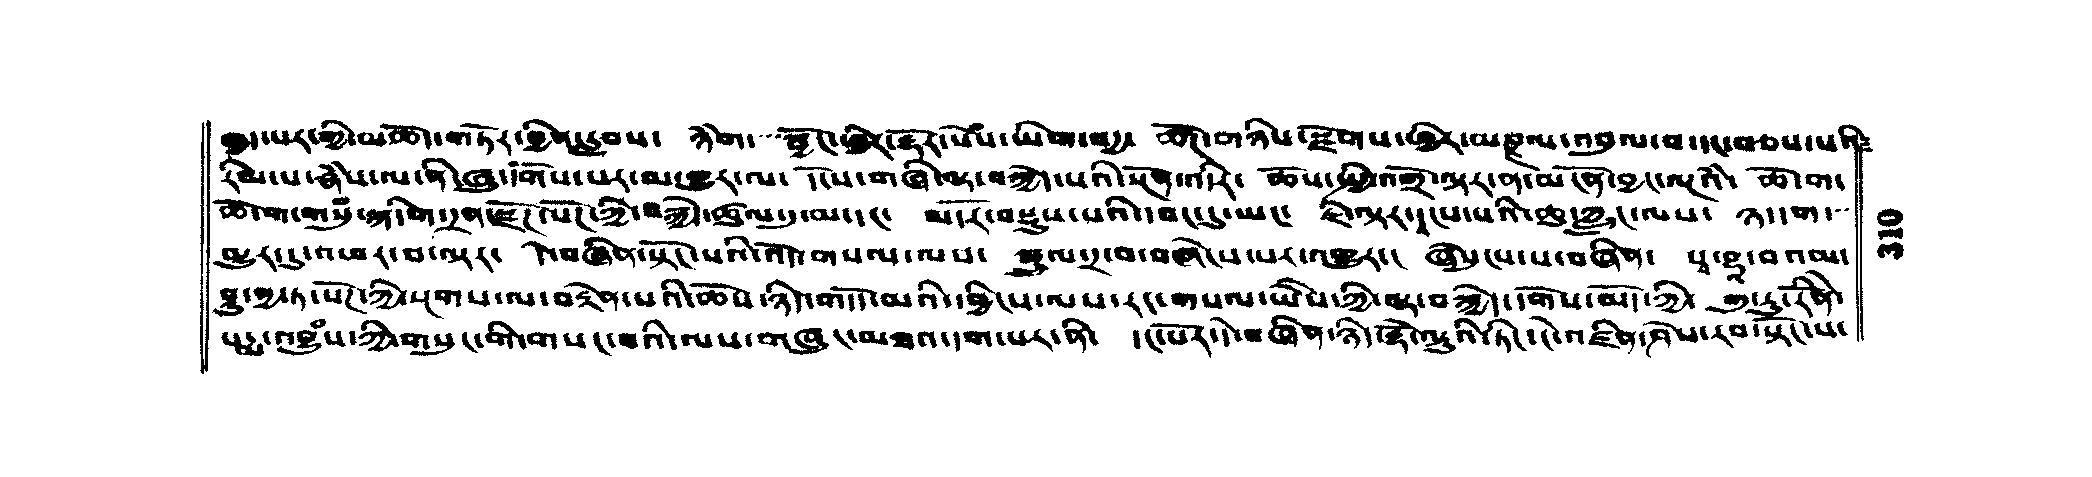ཁྱད་པར་གྱི་མཆོད་གཏོར་བྱིན་རླབས། ཉམས་ཆགས་སྦྱོང་ཕྱིར་རྡོར་སེམས་ཡིག་བརྒྱ། ཚོགས་གཉིས་རྫོགས་ཕྱིར་མཎྜལ་འབུལ་བ་དང་བཅས་པའི་
རིམ་པ་རྣམས་ལ་ནི་ཞུ་དགོས་པར་མ་གྱུར་ལ་དངོས་གཞི་ལྷ་བསྐྱེད་པའི་སྔོན་འདིར། ཆོས་སྤྱི་འགྲོ་ལྟར་ན་མངོན་བྱང་ལྔའམ། ཆོ་ག་
སྤྱི་འགྲོ་ལྟར་ན་མངོན་བྱང་ལྔའམ། ཆོ་ག་གསུམ་སྐད་ཅིག་དྲན་རྫོགས་སོགས་ཀྱི་བསྐྱེད་ཚུལ་དུ་མ་དང་། མདོར་བསྡུས་པའི་དབང་དུ་ཡང་། ཇི་ལྟར་དྭངས་པའི་ཆུ་ཀླུང་ལས། ཉ་དག་
མྱུར་དུ་འཕར་བ་ལྟར། དེ་བཞིན་སྟོང་པའི་འོད་གསལ་ལས། སྒྱུ་འཕྲུལ་དྲ་བ་བཞེངས་པར་འགྱུར། ཞེས་གསུངས་པ་བཞིན། སྭ་བྷཱ་བའམ་
ཤུ་ནྱ་ཏ་སོགས་སྔགས་ལ་བརྟེན་པའི་ཆོས་ཉིད་གདོད་མའི་དབྱིངས་ལས་རང་གསལ་ཡེ་ཤེས་ཀྱི་ལྷ་བསྐྱེད་དགོས་མོད་ཀྱི། གུ་རུ་རིན་པོ་ཆེ་
པདྨ་འབྱུང་གནས་ཀྱི་གསང་བའི་ལས་གཞུང་མཐའ་དག་པར་ནི། དང་པོར་བདེ་བཞིན་ཉིད་རྡོ་རྗེ་ལྟ་བུའི་ཏིང་ངེ་འཛིན་ཤེས་རབ་སྟོང་པ་